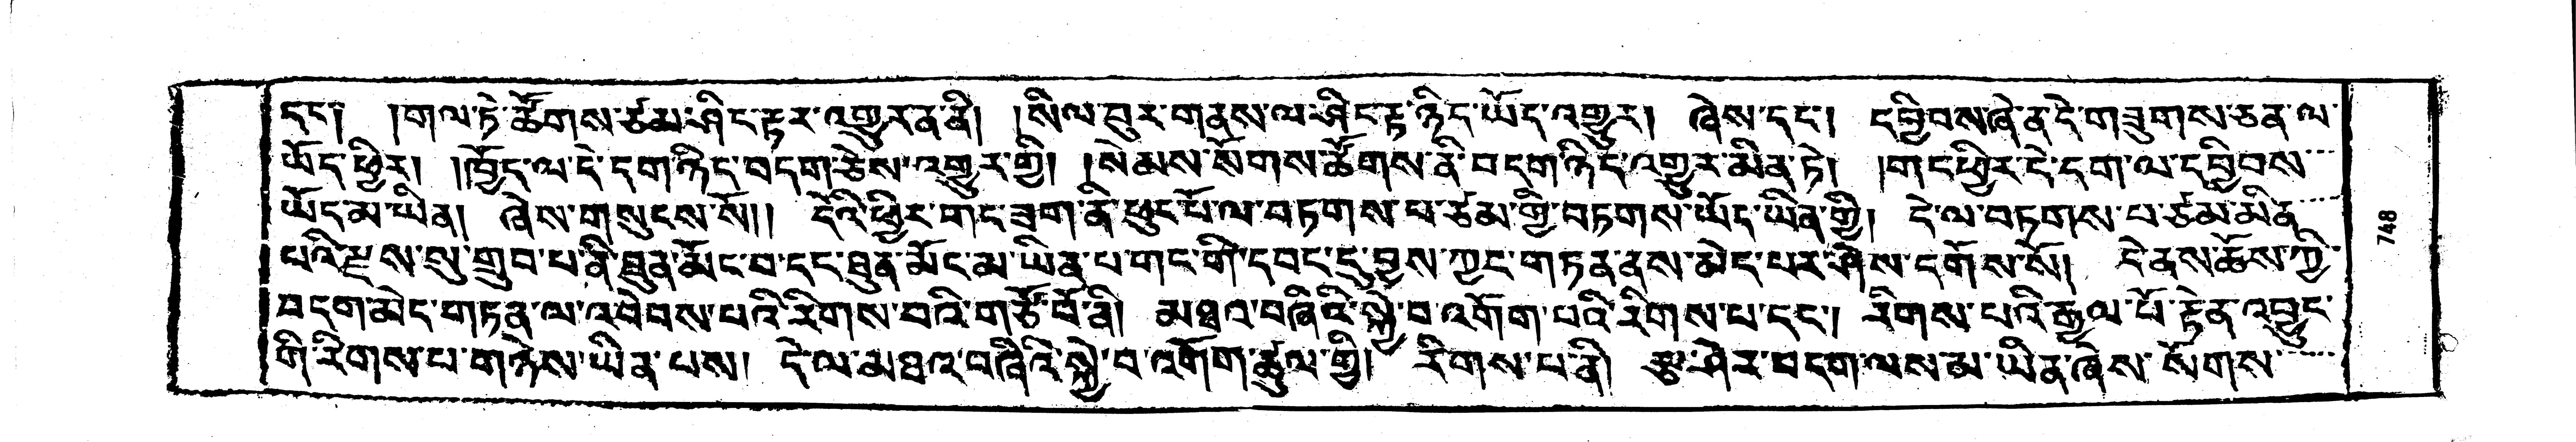དང༑ །གལ་ཏེ་ཚོགས་ཙམ་ཤིང་རྟར་འགྱུར་ན་ནི། །སིལ་བུར་གནས་ལ་ཤིང་རྟ་ཉིད་ཡོད་འགྱུར། ཞེས་དང་། དབྱིབས་ཞེ་ན་དེ་གཟུགས་ཅན་ལ་
ཡོད་ཕྱིར། །ཁྱོད་ལ་དེ་དག་ཉིད་བདག་ཅེས་འགྱུར་གྱི། །སེམས་སོགས་ཚོགས་ནི་བདག་ཉིད་འགྱུར་མིན་ཏེ། །གང་ཕྱིར་དེ་དག་ལ་དབྱིབས་
ཡོད་མ་ཡིན། ཞེས་གསུངས་སོ། །དེའི་ཕྱིར་གང་ཟག་ནི་ཕུང་པོ་ལ་བཏགས་པ་ཙམ་གྱི་བཏགས་ཡོད་ཡིན་གྱི། །དེ་ལ་བཏགས་པ་ཙམ་མིན་
པའི་རྫས་སུ་གྲུབ་པ་ནི་ཐུན་མོང་བ་དང་ཐུན་མོང་མ་ཡིན་པ་གང་གི་དབང་དུ་བྱས་ཀྱང་གཏན་ནས་མེད་པར་ཤེས་དགོས་སོ། དེ་ནས་ཆོས་ཀྱི་
བདག་མེད་གཏན་ལ་འབེབས་པའི་རིགས་པའི་གཙོ་བོ་ནི། མཐའ་བཞིའི་སྐྱེ་བ་འགོག་པའི་རིགས་པ་དང་། རིགས་པའི་རྒྱལ་པོ་རྟེན་འབྱུང་
གི་རིགས་པ་གཉིས་ཡིན་པས། དེ་ལ་མཐའ་བཞིའི་སྐྱེ་བ་འགོག་ཚུལ་གྱི། རིགས་པ་ནི། རྩ་ཤེར་བདག་ལས་མ་ཡིན་ཞེས་སོགས་